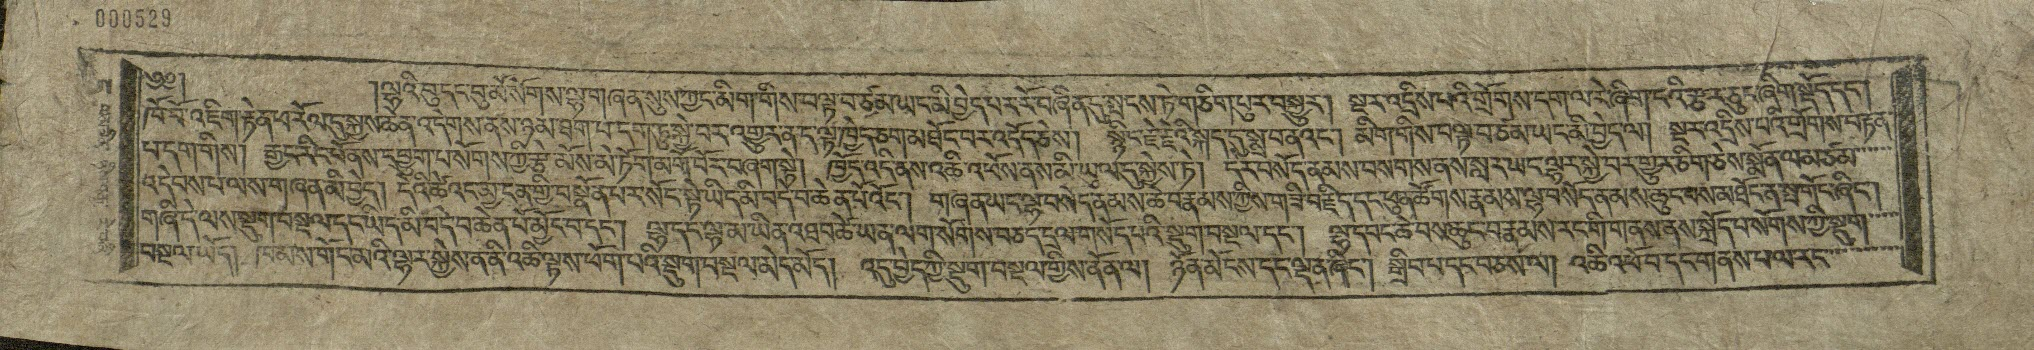༄༅། །ལྷའི་བུ་དང་བུ་མོ་སོགས་ལྷ་གཞན་སུས་ཀྱང་མིག་གིས་བལྟ་བ་ཙམ་ཡང་མི་བྱེད་པར་རོ་བཞིན་དུ་སྤངས་ཏེ་གཅིག་པུར་བསྐྱུར། སྔར་འདྲིས་པའི་གྲོགས་དག་ལ་རེ་ཞིག་ངའི་རྩར་ཅུང་ཞིག་སྡོད་དང་།
ཁོ་བོ་འཇིག་རྟེན་ཕ་རོལ་དུ་སྐྱས་ཆེན་འདེགས་ནས་ཉམ་ཐག་པ་དག་ཏུ་སྐྱེ་བར་འགྱུར་ན་ད་ལྟ་ཁྱེད་ཅག་མཐོང་བར་འདོད་ཅེས། སྙིང་རྗེ་རྗེའི་སྐད་དུ་སྨྲ་བ་ནའང་། མིག་གིས་བལྟ་བ་ཙམ་ཡང་མི་བྱེད་ལ། སྔར་འདྲིས་པའི་གྲོགས་བརྟན་
པ་དག་གིས། རྒྱང་རིང་པོ་ནས་དབྱུག་པ་སོགས་ཀྱི་རྩེ་མོས་མེ་ཏོག་མགོ་བོར་བཞག་སྟེ། ཁྱོད་འདི་ནས་འཆི་འཕོས་ནས་མི་ཡུལ་དུ་སྐྱེས་ཏེ། དེར་བསོད་ནམས་བསགས་ནས་སླར་ཡང་ལྷར་སྐྱེ་བར་གྱུར་ཅིག་ཅེས་སྨོན་ལམ་ཙམ་
འདེབས་པ་ལས་གཞན་མི་བྱེད། དེའི་ཚེའང་མྱ་ངན་གྱི་བསྣོན་པར་སོང་སྟེ་ཡིད་མི་བདེ་བ་ཆེན་པོ་འོང་། གཞན་ཡང་ལྷ་བསོད་ནམས་ཆེ་བ་རྣམས་ཀྱིས་གཟི་བརྗིད་དང་ཕུན་ཚོགས་རྣམས་ལྷ་བསོད་ནམས་ཆུང་བས་མཐོང་ན་སྤ་གོང་ཞིང་།
གཞི་དེ་ལས་སྡུག་བསྔལ་དང་ཡིད་མི་བདེ་བ་ཆེན་པོ་མྱོང་བ་དང་། ལྷ་དང་ལྷ་མ་ཡིན་འཐབ་ཚེ་ཡན་ལག་སོགས་བཅད་དྲལ་གསོད་པའི་སྡུག་བསྔལ་དང་། ལྷ་དབང་ཆེ་བས་ཆུང་བ་རྣམས་རང་གི་གནས་ནས་སྐྲོད་པ་སོགས་ཀྱི་སྡུག་
བསྔལ་ཡོད། ཁམས་གོང་མའི་ལྷར་སྐྱེས་ན་ནི་འཆི་ལྟས་ཕོག་པའི་སྡུག་བསྔལ་མེད་མོད། འདུ་བྱེད་ཀྱི་སྡུག་བསྔལ་གྱིས་ནོན་ལ། ཉོན་མོངས་དང་ལྡན་ཞིང་། སྒྲིབ་པ་དང་བཅས་ལ། འཆི་འཕོ་བ་དང་གནས་པ་ལ་རང་